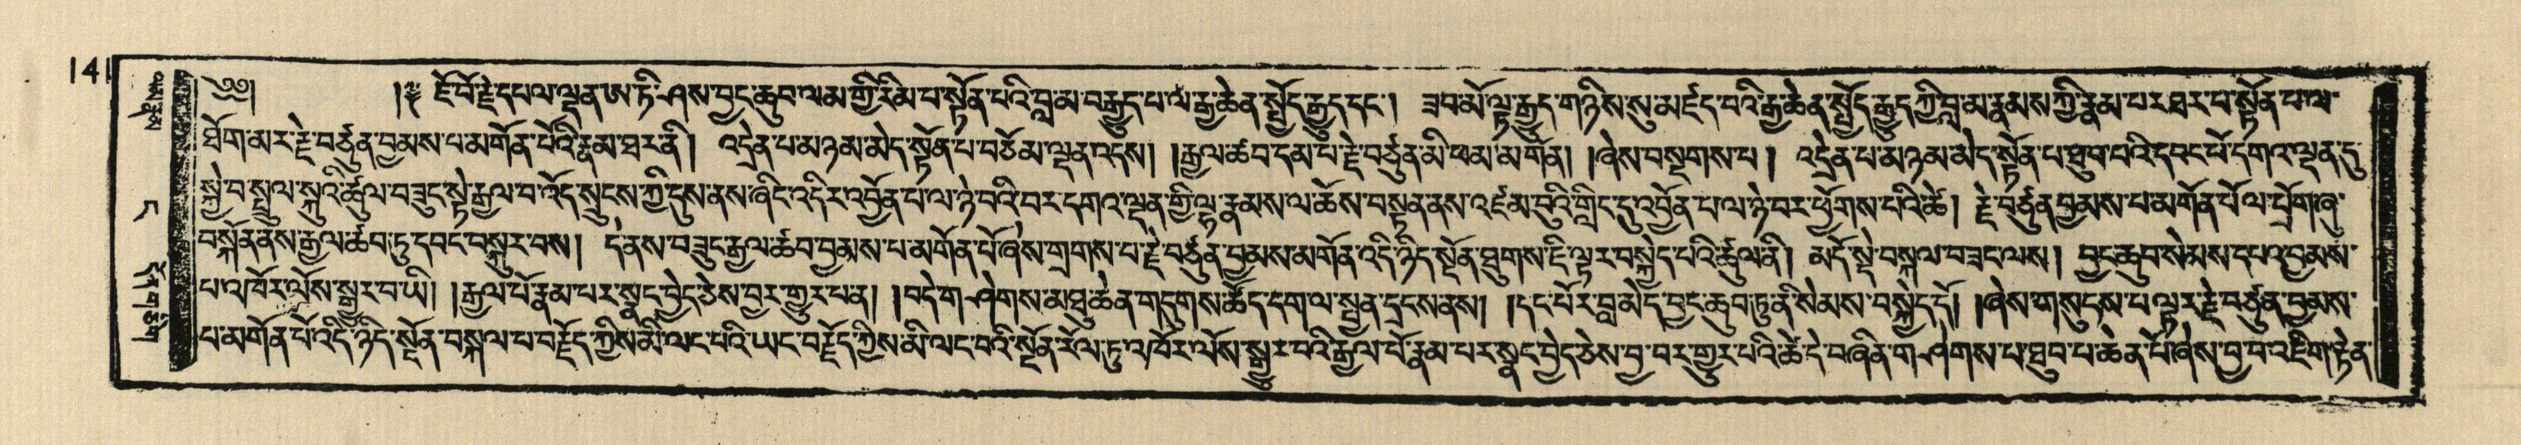༄༅། །༈ ཇོ་བོ་རྗེ་དཔལ་ལྡན་ཨ་ཏི་ཤས་བྱང་ཆུབ་ལམ་གྱི་རིམ་པ་སྟོན་པའི་བླ་མ་བརྒྱུད་པ་ལ་རྒྱ་ཆེན་སྤྱོད་རྒྱུད་དང་། ཟབ་མོ་ལྟ་རྒྱུད་གཉིས་སུ་མཛད་བའི་རྒྱ་ཆེན་སྤྱོད་རྒྱུད་ཀྱི་བླ་མ་རྣམས་ཀྱི་རྣམ་པར་ཐར་པ་སྟོན་པ་ལ་
ཐོག་མར་རྗེ་བཙུན་བྱམས་པ་མགོན་པོའི་རྣམ་ཐར་ནི། འདྲེན་པ་མཉམ་མེད་སྟོན་པ་བཅོམ་ལྡན་འདས། །རྒྱལ་ཚབ་དམ་པ་རྗེ་བཙུན་མི་ཕམ་མགོན། །ཞེས་བསྔགས་པ། འདྲེན་པ་མཉམ་མེད་སྟོན་པ་ཐུབ་པའི་དབང་པོ་དགའ་ལྡན་དུ་
སྐྱེ་བ་སྤྲུལ་སྐུའི་ཚུལ་བཟུང་སྟེ་རྒྱལ་བ་འོད་སྲུངས་ཀྱི་དུས་ནས་ཞིང་འདིར་འབྱོན་པ་ལ་ཉེ་བའི་བར་དགའ་ལྡན་གྱི་ལྷ་རྣམས་ལ་ཆོས་བསྟན་ནས་འཛམ་བུའི་གླིང་དུ་འབྱོན་པ་ལ་ཉེ་བར་ཕྱོགས་པའི་ཚེ། རྗེ་བཙུན་བྱམས་པ་མགོན་པོ་ལ་པྲོག་ཞུ་
བསྐོན་ནས་རྒྱལ་ཚབ་ཏུ་དབང་བསྐུར་བས། དེ་ནས་བཟུང་རྒྱལ་ཚབ་བྱམས་པ་མགོན་པོ་ཞེས་གྲགས་པ་རྗེ་བཙུན་བྱམས་མགོན་འདི་ཉིད་སྔོན་ཐུགས་ཇི་ལྟར་བསྐྱེད་པའི་ཚུལ་ནི། མདོ་སྡེ་བསྐལ་བཟང་ལས། བྱང་ཆུབ་སེམས་དཔའ་བྱམས་
པ་འཁོར་ལོས་སྒྱུར་བ་ཡི། །རྒྱལ་པོ་རྣམ་པར་སྣང་བྱེད་ཅེས་བྱར་གྱུར་པ་ན། །བདེ་གཤེགས་མཐུ་ཆེན་གདུགས་ཚོད་དག་ལ་སྤྱན་དྲངས་ནས། །དང་པོར་བླ་མེད་བྱང་ཆུབ་ཏུ་ནི་སེམས་བསྐྱེད་དོ། །ཞེས་གསུངས་པ་ལྟར་རྗེ་བཙུན་བྱམས་
པ་མགོན་པོ་འདི་ཉིད་སྔོན་བསྐལ་པ་བརྗོད་ཀྱིས་མི་ལང་པའི་ཡང་བརྗོད་ཀྱིས་མི་ལང་བའི་སྔོན་རོལ་ཏུ་འཁོར་ལོས་སྒྱུར་བའི་རྒྱལ་པོ་རྣམ་པར་སྣང་བྱེད་ཅེས་བྱ་བར་གྱུར་པའི་ཚེ་དེ་བཞིན་གཤེགས་པ་ཐུབ་པ་ཆེན་པོ་ཞེས་བྱ་བ་འཇིག་རྟེན་